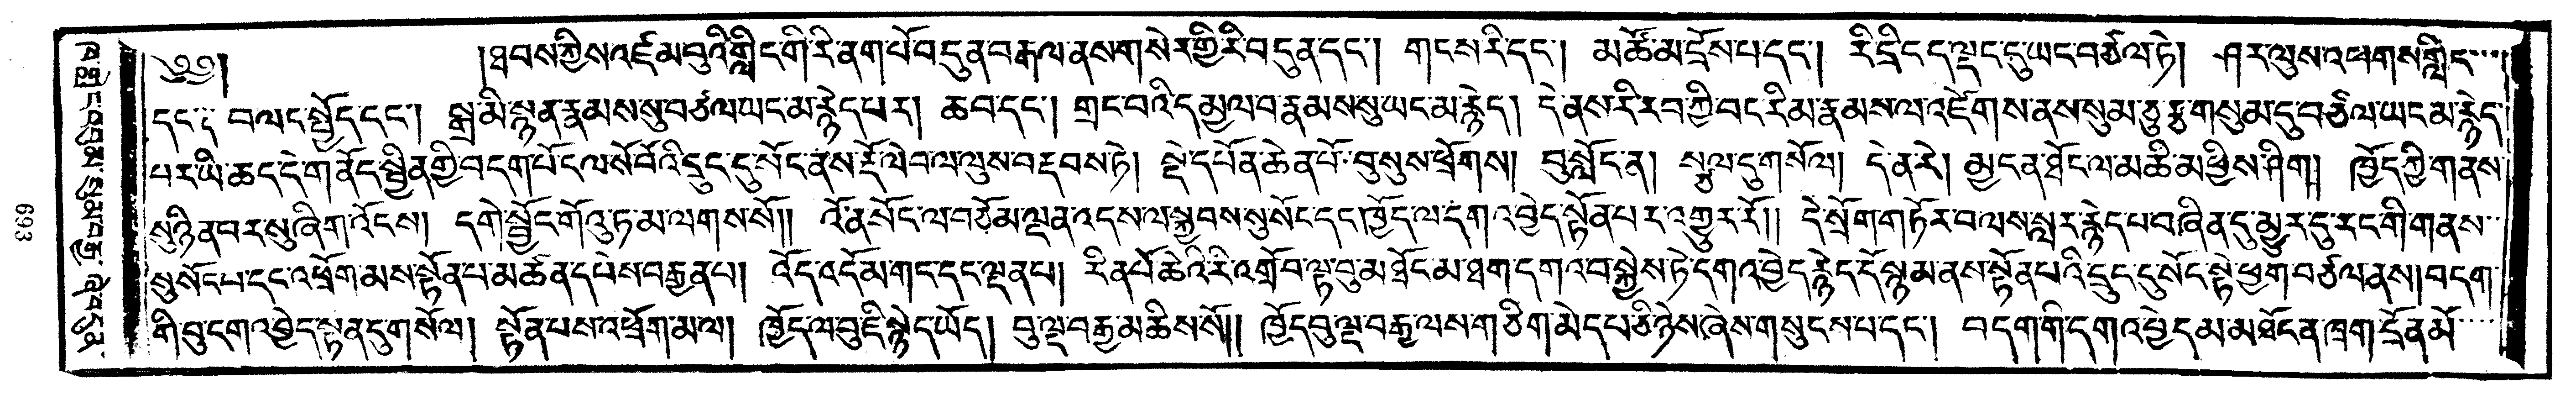༄༅། །ཐབས་ཀྱིས་འཛམ་བུའི་གླིང་གི་རི་ནག་པོ་བདུན་བརྒལ་ནས་གསེར་གྱི་རི་བདུན་དང་། གངས་རི་དང་། མཚོ་མ་དྲོས་པ་དང་། རི་དྲིང་དང་ལྡང་དུ་ཡང་བཙལ་ཏེ། ཤར་ལུས་འཕགས་གླིང་
དང༑ བ་ལང་སྤྱོད་དང་། སྒྲ་མི་སྙན་རྣམས་སུ་བཙལ་ཡང་མ་རྙེད་པར། ཆབ་དང་། གྲང་བའི་དམྱལ་བ་རྣམས་སུ་ཡང་མ་རྙེད། དེ་ནས་རི་རབ་ཀྱི་བང་རིམ་རྣམས་ལ་འཛེགས་ནས་སུམ་ཅུ་རྩ་གསུམ་དུ་བཙལ་ཡང་མ་རྙེད་
པར་ཡི་ཆད་དེ་གནོད་སྦྱིན་གྱི་བདག་པོ་ངལ་སོ་བོའི་དྲུང་དུ་སོང་ནས་རྡོ་ལེབ་ལ་ལུས་བརྡབས་ཏེ། སྡེ་དཔོན་ཆེན་པོ༑ བུ་སུས་ཕྲོགས། བུ་སློང་ན། སྩལ་དུ་གསོལ། དེ་ན་རེ། མྱ་ངན་ཐོང་ལ་མཆི་མ་ཕྱིས་ཤིག། ཁྱོད་ཀྱི་གནས་
སུ་ཉིན་བར་སུ་ཞིག་འོངས། དགེ་སྦྱོང་གོའུ་ཏ་མ་ལགས་སོ།། འོ་ན་སོང་ལ་བཅོམ་ལྡན་འདས་ལ་སྐྱབས་སུ་སོང་དང་ཁྱོད་ལ་དགའ་བྱེད་སྟོན་པར་འགྱུར་རོ།། དེ་སྲོག་གཏོར་བ་ལས་སླར་རྙེད་པ་བཞིན་དུ་མྱུར་དུ་རང་གི་གནས་
སུ་སོང་པ་དང་འཕྲོག་མས་སྟོན་པ་མཚན་དཔེས་བརྒྱན་པ། འོད་འདོམ་གང་དང་ལྡན་པ། རིན་པོ་ཆེའི་རི་འགྲོ་བ་ལྟ་བུ་མཐོང་མ་ཐག་དགའ་བ་སྐྱེས་ཏེ་དགའ་བྱེད་རྙེད་དོ་སྙམ་ནས་སྟོན་པའི་དྲུང་དུ་སོང་སྟེ་ཕྱག་བཙལ་ནས། བདག་
གི་བུ་དགའ་བྱེད་སྟན་དུ་གསོལ། སྟོན་པས་འཕྲོག་མ་ལ། ཁྱོད་ལ་བུ་ཇི་སྙེད་ཡོད། བུ་ལྔ་བརྒྱ་མཆིས་སོ། ཁྱོད་བུ་ལྔ་བརྒྱ་ལས་གཅིག་མེད་པ་ཅི་ཉེས་ཞེས་གསུངས་པ་དང་། བདག་གི་དགའ་བྱེད་མ་མཐོང་ན་ཁྲག་དྲོན་མོ་